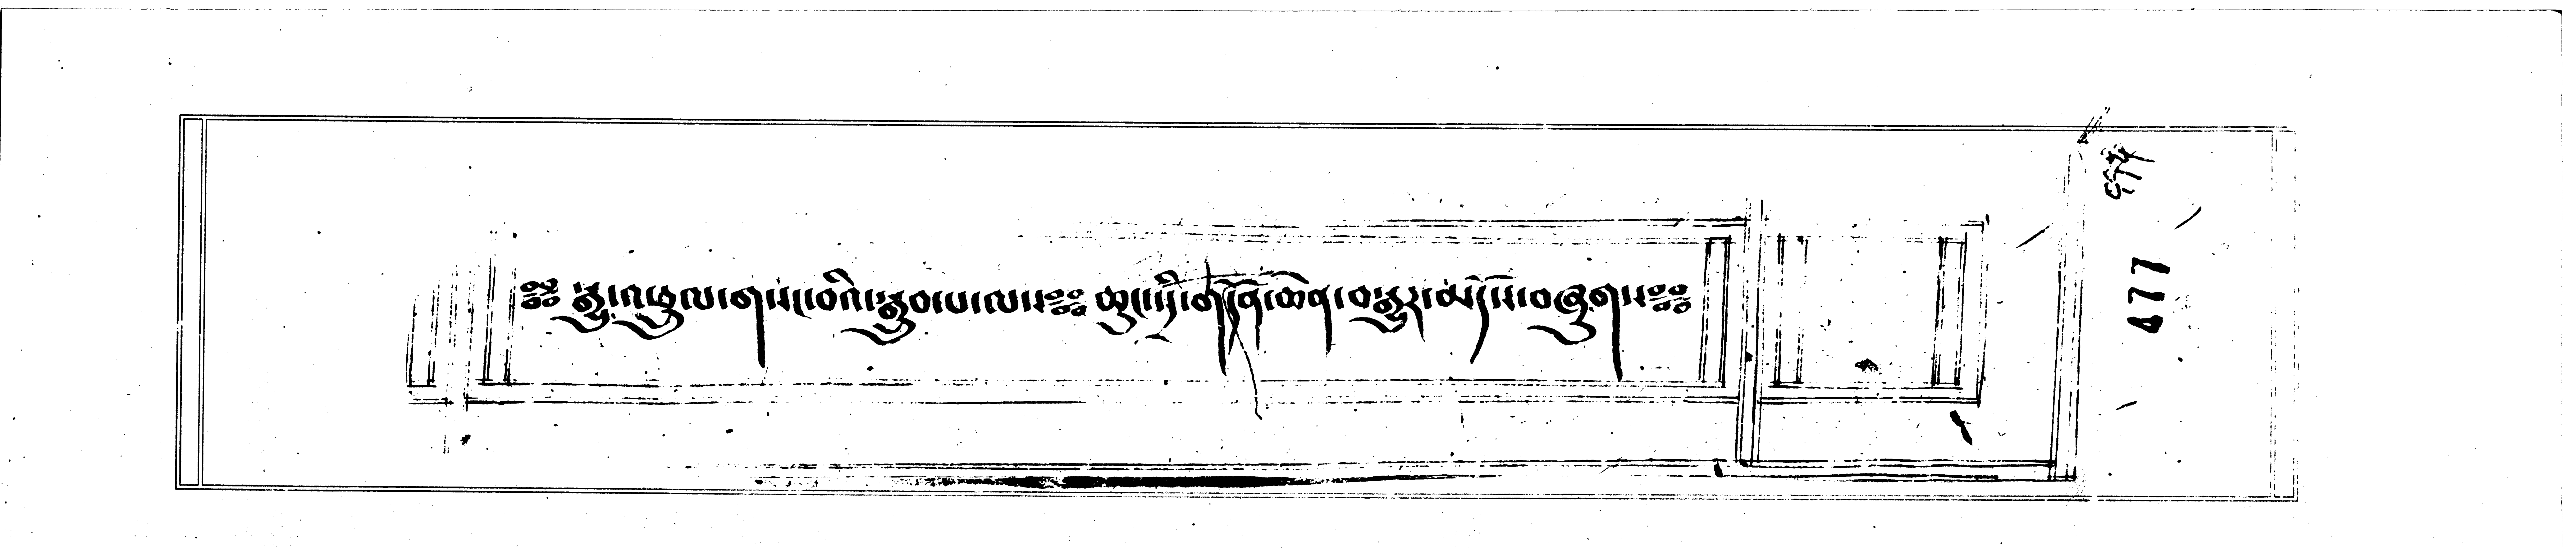༔༔སྒྱུ་འཕྲུལ་གསང་བའི་སྒྲུབ་པ་ལས༔༔ཆུང་སྲི་གདོན་ཆེན་བསྒྱུར་མདོས་བཞུགས༔༔